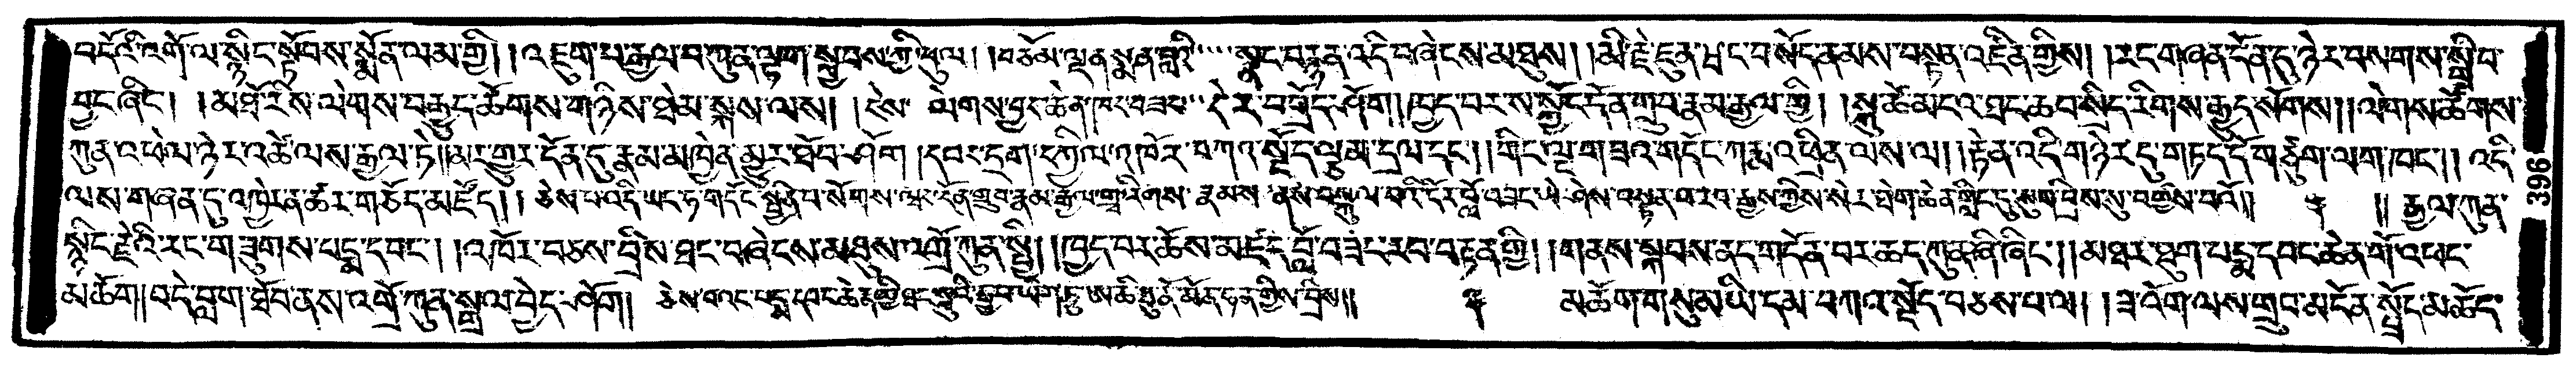བདོའི་འགྲོ་ལ་སྙིང་སྟོབས་སྨོན་ལམ་གྱི། །འཇུག་པ་རྒྱལ་བ་ཀུན་ལྟག་སྐྱབས་ཀྱི་ཕུལ། །བཅོམ་ལྡན་སྨན་བླའི་སྣང་བརྙན་འདི་བཞེངས་མཐུས། །མི་རྗེ་ཇུན་ཝང་བསོད་ནམས་བསྟན་འཛིན་གྱིས། །རང་གཞན་དོན་དུ་ཉེར་བསགས་སྒྲིབ་
བྱང་ཞིང་། །མཐོ་རིས་ལེགས་བརྒྱུད་ཚོགས་གཉིས་ཐེམ་སྐས་ལས། །ངེས་ལེགས་བྱང་ཆེན་ཁང་བཟང་དེར་བགྲོད་ཤོག །ཁྱད་པར་ས་སྐྱོང་དོན་གྲུབ་རྣམ་རྒྱལ་གྱི། །སྐུ་ཚེ་མངའ་ཐང་ཆབ་སྲིད་རིགས་རྒྱུད་སོགས། །ལེགས་ཚོགས་
ཀུན་འཕེལ་ཉེར་འཚེ་ལས་རྒྱལ་ཏེ། །མར་གྱུར་དོན་དུ་རྣམ་མཁྱེན་མྱུར་ཐོབ་ཤོག །དབང་དྲག་དཀྱིལ་འཁོར་བཀའ་སྡོད་ལྕམ་དྲལ་དང་། །གིང་ལྔ་གཟའ་གདོང་ཀརྨ་འཕྲིན་ལས་ལ། །རྟེན་འདི་གཉེར་དུ་གཏད་དོ་གཙུག་ལག་ཁང་། །འདི་
ལས་གཞན་དུ་འཁྱེར་ན་ཚར་གཅོད་མཛོད། །ཅེས་པ་འདི་ཡང་ཧ་གདོང་སྦྱིན་པ་སོགས་ཝང་དོན་གྲུབ་རྣམ་རྒྱལ་གྲྭ་རིགས་རྣམས་ནས་བསྐུལ་བའི་ངོར་བློ་བཟང་ཡེ་ཤེས་བསྟན་པ་རབ་རྒྱས་ཀྱིས་སེ་ར་ཐེག་ཆེན་གླིང་དུ་སུག་བྲིས་སུ་བགྱིས་པའོ།། ༈ །།རྒྱལ་ཀུན་
སྙིང་རྗེའི་རང་གཟུགས་པདམ་དབང་། །འཁོར་བཅས་བྲིས་ཐང་བཞེངས་མཐུས་འགྲོ་ཀུན་སྤྱི། །ཁྱད་པར་ཆོས་མཛད་བློ་བཟང་རབ་བརྟན་གྱི། །གནས་སྐབས་ནད་གདོན་བར་ཆད་ཀུན་ཞི་ཞིང་། །མཐར་ཐུག་པདམ་དབང་ཆེན་གོ་འཕང་
མཆོག །བདེ་བླག་ཐོབ་ནས་འགྲོ་ཀུན་སྒྲོལ་བྱེད་ཤོག །ཅེས་པའང་པདམ་དབང་ཆེན་གྱི་ཐང་སྐུའི་རྒྱབ་ཡིག་ཏུ་ཨ་ཆི་ཐུ་ནོ་མོན་ཧན་གྱིས་བྲིས།། ༈ མཆོག་གསུམ་ཡི་དམ་བཀའ་སྡོད་བཅས་པ་ལ། །ཟ་འོག་ལས་གྲུབ་མངོན་སྤྲོད་མཆོད་